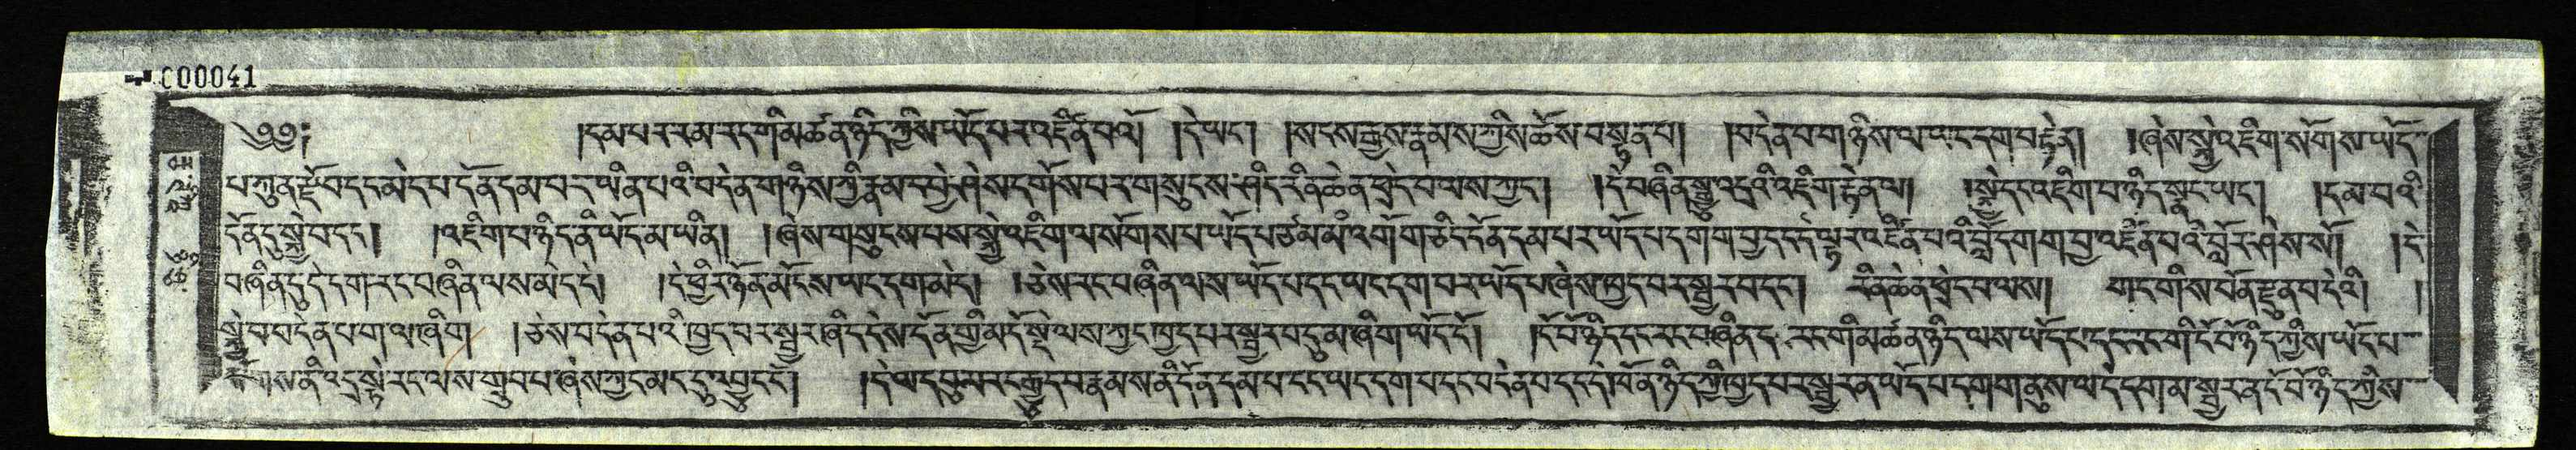༄༅། །དམ་པར་རམ་རང་གི་མཚན་ཉིད་ཀྱིས་ཡོད་པར་འཛིན་པའོ། །དེ་ཡང་། །སངས་རྒྱས་རྣམས་ཀྱིས་ཆོས་བསྟན་བ། །བདེན་པ་གཉིས་ལ་ཡང་དག་བརྟེན། །ཞེས་སྐྱེ་འཇིག་སོགས་ཡོད་
པ་ཀུན་རྫོབ་དང་མེད་པ་དོན་དམ་པར་ཡིན་པའི་བདེན་གཉིས་ཀྱི་རྣམ་དབྱེ་ཤེས་དགོས་བར་གསུངས་ཤིང་རིན་ཆེན་ཕྲེང་བ་ལས་ཀྱང་། །དེ་བཞིན་སྒྱུ་འདྲའི་འཇིག་རྟེན་ལ། །སྐྱེ་དང་འཇིག་པ་ཉིད་སྣང་ཡང་། །དམ་བའི་
དོན་དུ་སྐྱེ་བ་དང་། །འཇིག་པ་ཉིད་ནི་ཡོད་མ་ཡིན། །ཞེས་གསུངས་པས་སྐྱེ་འཇིག་ལ་སོགས་པ་ཡོད་པ་ཙམ་མཾ་འགོག་ཅིང་དོན་དམ་པར་ཡོད་པ་དགག་བྱ་དང་དེ་ལྟར་འཛིན་པའི་བློ་དགག་བྱ་འཛིན་པའི་བློར་ཤེས་སོ། །དེ་
བཞིན་དུ་དེ་དག་རང་བཞིན་ལས་མེད་དེ། །དེ་ཕྱིར་ཉོན་མོངས་ཡང་དག་མེད། །ཅེས་རང་བཞིན་ལས་ཡོད་པ་དང་ཡང་དག་པར་ཡོད་པ་ཞེས་ཁྱད་པར་སྦྱར་བ་དང་། རིན་ཆེན་ཕྲེང་བ་ལས། གང་གི་ས་བོན་རྫུན་པ་དེའི། །
སྐྱེ་བ་བདེན་པ་ག་ལ་ཞིག །ཅེས་བདེན་པའི་ཁྱད་པར་སྦྱར་ཞིང་ངེས་དོན་གྱི་མདོ་སྡེ་ལས་ཀྱང་ཁྱད་པར་སྦྱར་བ་དུ་མ་ཞིག་ཡོད་དོ། །ངོ་བོ་ཉིད་དང་རང་བཞིན་དང་རང་གི་མཚན་ཉིད་ལས་ཡོད་པ་དང་རང་གི་ངོ་བོ་ཉིད་ཀྱིས་ཡོད་པ་
སོགས་ནི་འདྲ་སྟེ་རང་ལས་གྲུབ་པ་ཞེས་ཀྱང་མང་དུ་འབྱུང་ངོ། །དེ་ལ་དབུ་མ་རང་རྒྱུད་པ་རྣམས་ནི་དོན་དམ་པ་དང་ཡང་དག་པ་དང་བདེན་པ་དང་དེ་ཁོ་ན་ཉིད་ཀྱི་ཁྱད་པར་སྦྱར་ན་ཡོད་པ་དགག་ནུས་ལ་དེ་དག་མ་སྦྱར་ན་ངོ་བོ་ཉིད་ཀྱིས་